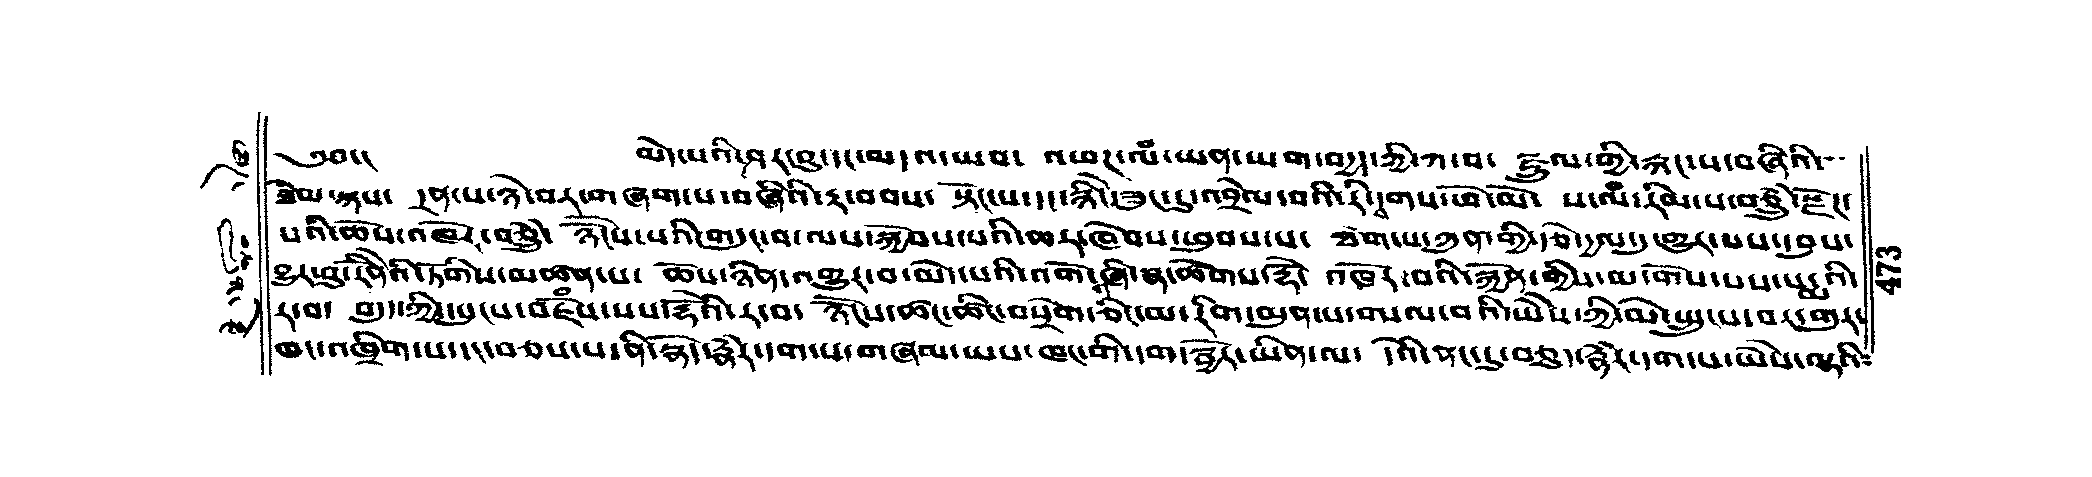མེད་པའི་ཤར་བུ་དང་མདའ་ཡབ། འཕགས་ལམ་ཡན་ལག་བརྒྱད་ཀྱི་ཀ་བ། རྫུ་འཕྲུལ་གྱི་རྐང་པ་བཞིའི་
ཐེམ་སྐས། དྲན་པ་ཉེ་བར་གཞག་པ་བཞིའི་རྟ་བབས། སྟོང་པ་དང་སྙིང་རྗེ་ཟུང་དུ་འབྲེལ་བའི་རི་དྭགས་ཕོ་མོ། ས་ལམ་རིམ་པ་བཅུ་དྲུག་རྫོགས་
པའི་ཆོས་འཁོར་བཅུ་དྲུག་ཉོན་མོངས་པའི་གདུང་བ་ལས་སྐྱོབས་པའི་ཆར་ཁེབས་ཕུབས་པ། ཐེག་པ་ཀུན་གྱི་རྩེ་རྒྱལ་དུ་གྱུར་པས་དབུས་
བྱུར་བུ་རིན་ཆེན་མེ་ཏོག་གིས་མཚན་པ། ཆོས་ཉིད་འགྱུར་བ་མེད་པའི་འགོ་གཞི་སྣ་ཚོགས་རྡོ་རྗེ། འཁོར་བའི་སྐྱོན་གྱིས་མ་གོས་པས་པདྨའི་
ར་བ། ཉོན་མོངས་ཚང་ཚྀང་བསྲེག་ཅིང་མ་རིག་མུན་པ་གསལ་བའི་ཡེ་ཤེས་ཀྱི་མེ་སྤུངས་བར་གུར་
ཁང་འཁྲིག་པ་དང་བཅས་པ་ནི་སྣོད་རྣལ་འབྱོར་དག་པ་གཞལ་ཡས་ཁང་གི་དག་སྦྱོར་ཡིན་ལ། དེའི་ནང་དུ་བཅུད་རྣམ་པར་དག་པ་ཡེ་ཤེས་ལྷའི་